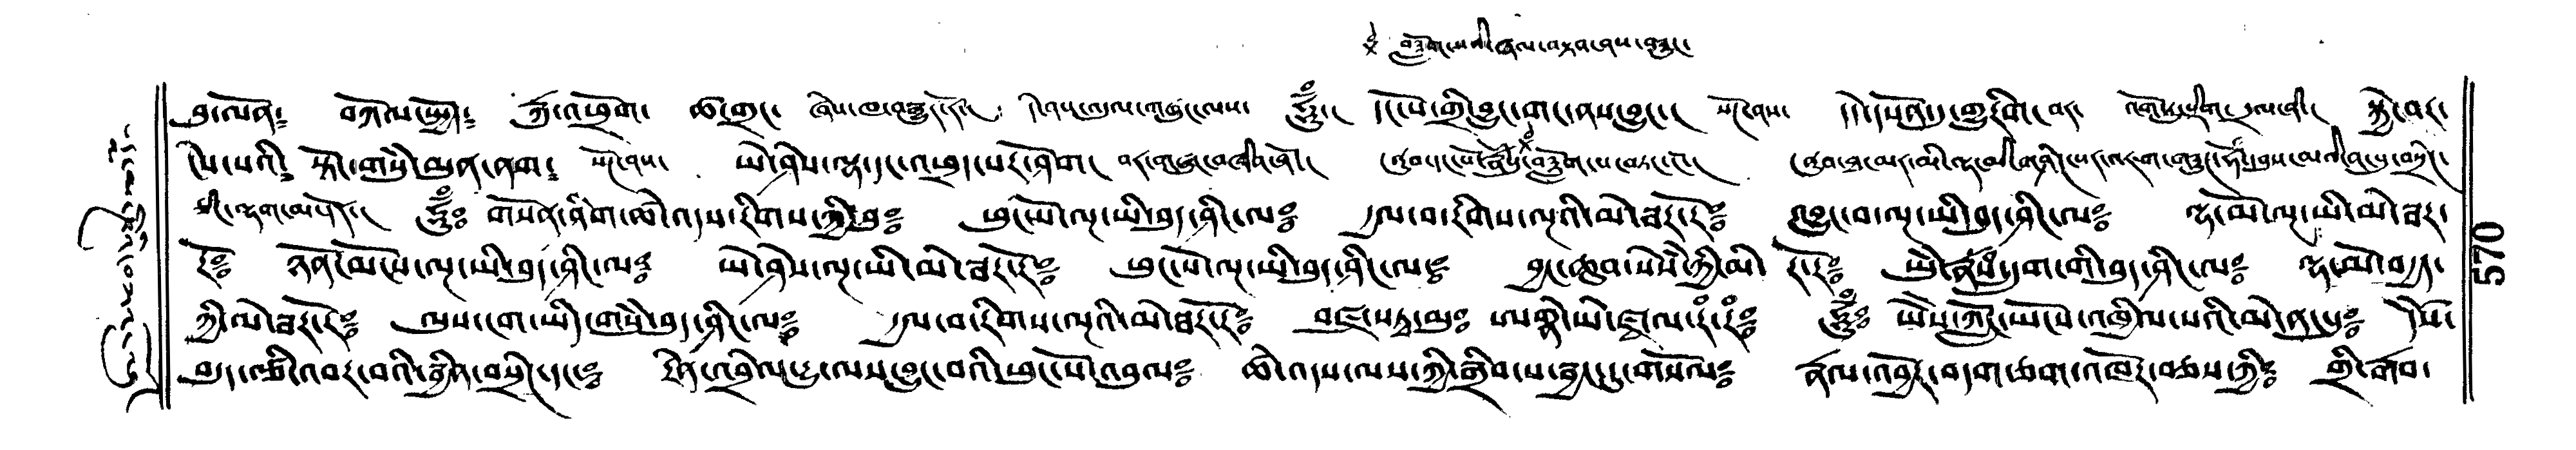བཀོལ་སྤྱོད། རྐུ་འཕྲོག ཚ་གྲང་། ཞེས་ཁ་བསྒྱུར་རོ། དེ་ནས་འདུལ་གཞུང་ལས། ཧཱུྃ། དང་པོ་གྲི་བྱུང་གང་ནས་བྱུང་། སོགས་ནས ། དེད་དཔོན་དུ་གྱུར་ཅིག འོག་ཏུ་སྡིག་དྲལ་ནི། སྐྱེ་བར་
ངེས་པའི༴ སྟོང་གསུམ་མུན་ནག༴ སོགས་ནས། ཡེ་ཤེས་ལྷ་དང་ཕྲད་པར་ཤོག བར་གཞུང་བཞིན་ནོ། ནུབ་དང་པོ་རྣམས་སུ་ཟློག་པའི་ཞལ་བསྟབ་ནས་བཟུང་ཟློག་པ་བཏང་ངོ་། ནུབ་མཐའ་མར་མེ་ལྷ་མི་གཤེགས་པར་འཇག་གཟུགས་ཧོམ་དབུས་མའི་ནང་དུ་བསྲེག་
ཅིང་ལྷག་མ་དོར། ཧཱུྃ༔ གསོན་ཤིག་ཚེ་འདས་རིགས་ཀྱི་བུ༔ ཕུང་པོ་ལྔ་ཡི་བུད་ཤིང་ལ༔ རྒྱལ་བ་རིགས་ལྔའི་མེ་སྦར་རེ༔ འབྱུང་བ་ལྔ་ཡི་བུད་ཤིང་ལ༔ ལྷ་མོ་ལྔ་ཡི་མེ་སྦར་
རེ༔ ཉོན་མོངས་ལྔ་ཡི་བུད་ཤིང་ལ༔ ཡེ་ཤེས་ལྔ་ཡི་མེ་སྦར་རེ༔ བྱང་ཆུབ་སེམས་ཀྱི་མེ་སྦར་རོ༔ ཡུམ་རྣམས་དྲུག་གི་བུད་ཤིང་ལ་ལྷ་མོ་བརྒྱད་
ཀྱི་མེ་སྦར་རོ༔ ལུས་ངག་ཡིད་གསུམ་བུད་ཤིང་ལ༔ རྒྱལ་བ་རིགས་ལྔའི་མེ་སྦར་རོ༔ བཛྲ་སཏྭ་མུ༔ ཨགྣེ་ཡེ་ཛྭ་ལ་རཾ་རཾ༔ ཧཱུྃ༔ ཡེ་ཤེས་ཀློང་ཡངས་འཁྱིལ་པའི་མེ་ནང་དུ༔ དམ་རྫས་
བདུད་རྩི་འབར་བའི་སྦྱིན་བསྲེག་དང༔ རྟེན་འབྲེལ་རྒྱུ་ལས་བྱུང་བའི་ཕུང་པོ་འབུལ༔ ཚེ་འདས་ལས་ཀྱི་སྒྲིབ་པ་སྦྱང་དུ་གསོལ༔ རྣལ་འབྱོར་བདག་ཅག་འཁོར་བཅས་ཀྱི༔ གྲི་རྒབ་